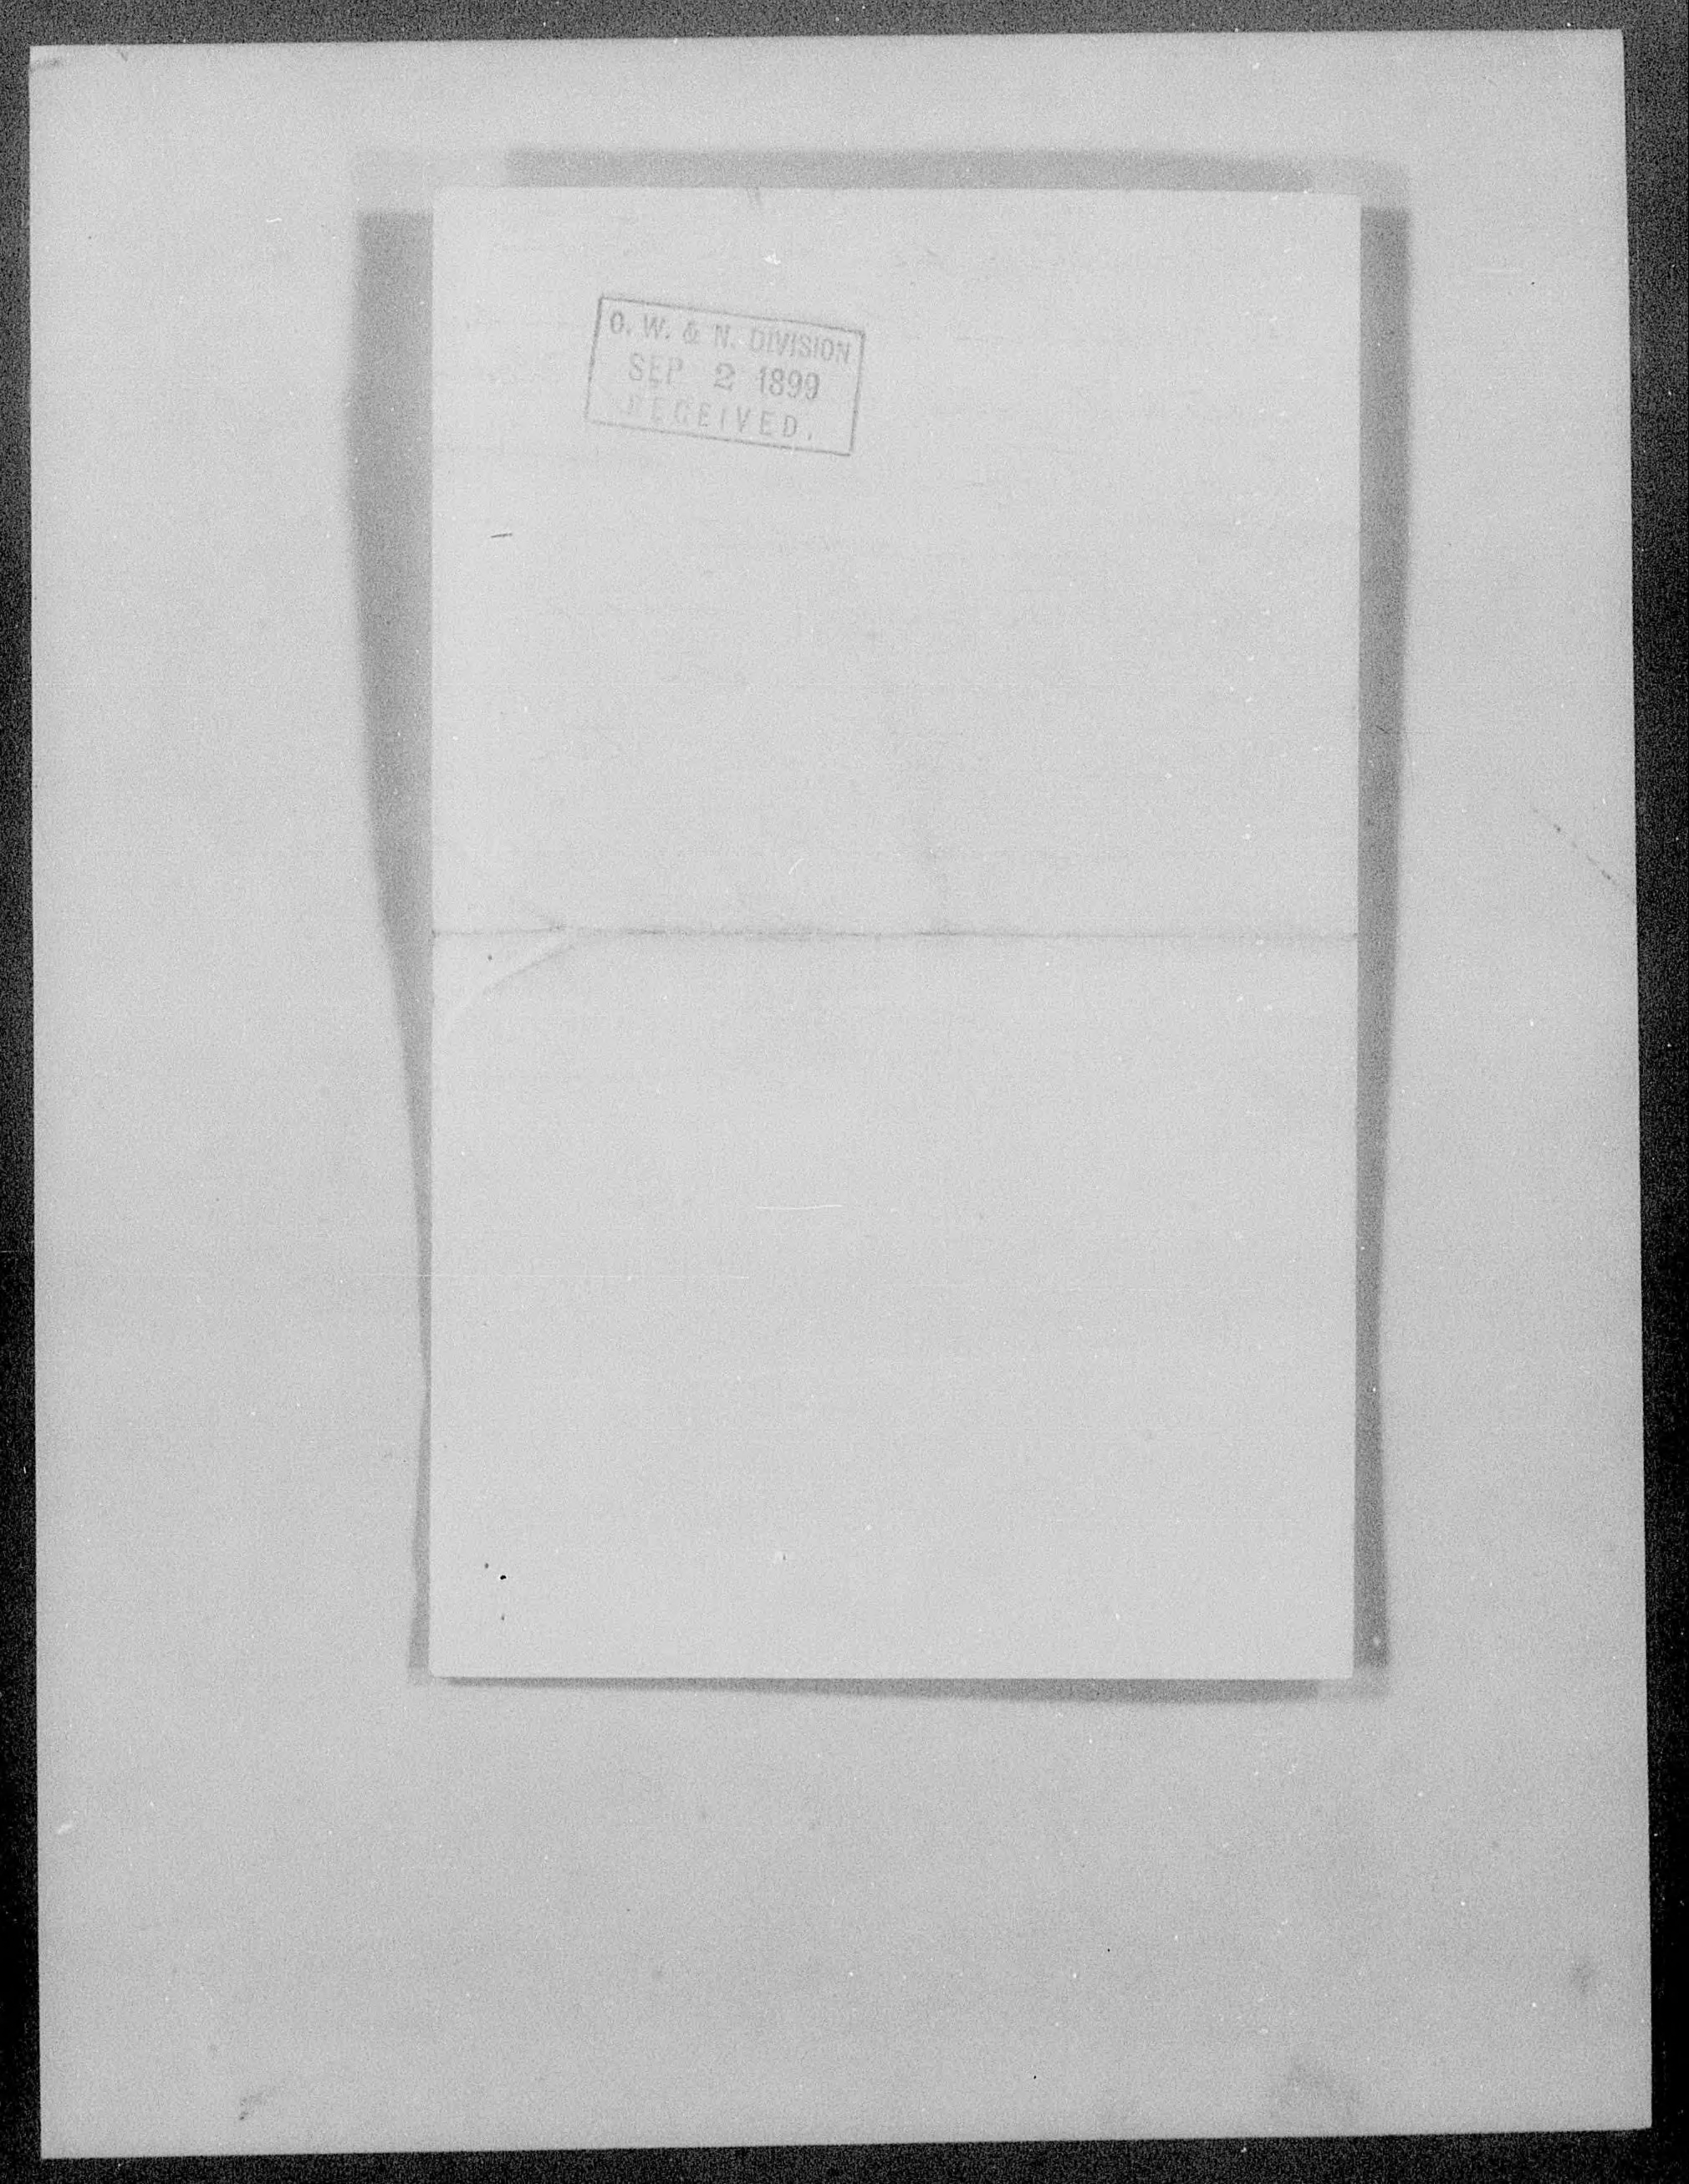(stamped)
O.W. & N. DIVISION
SEP 2 1899
RECEIVED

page: 10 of 13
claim: survivor's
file: S. 9,456, for John Peterson, North Carolina